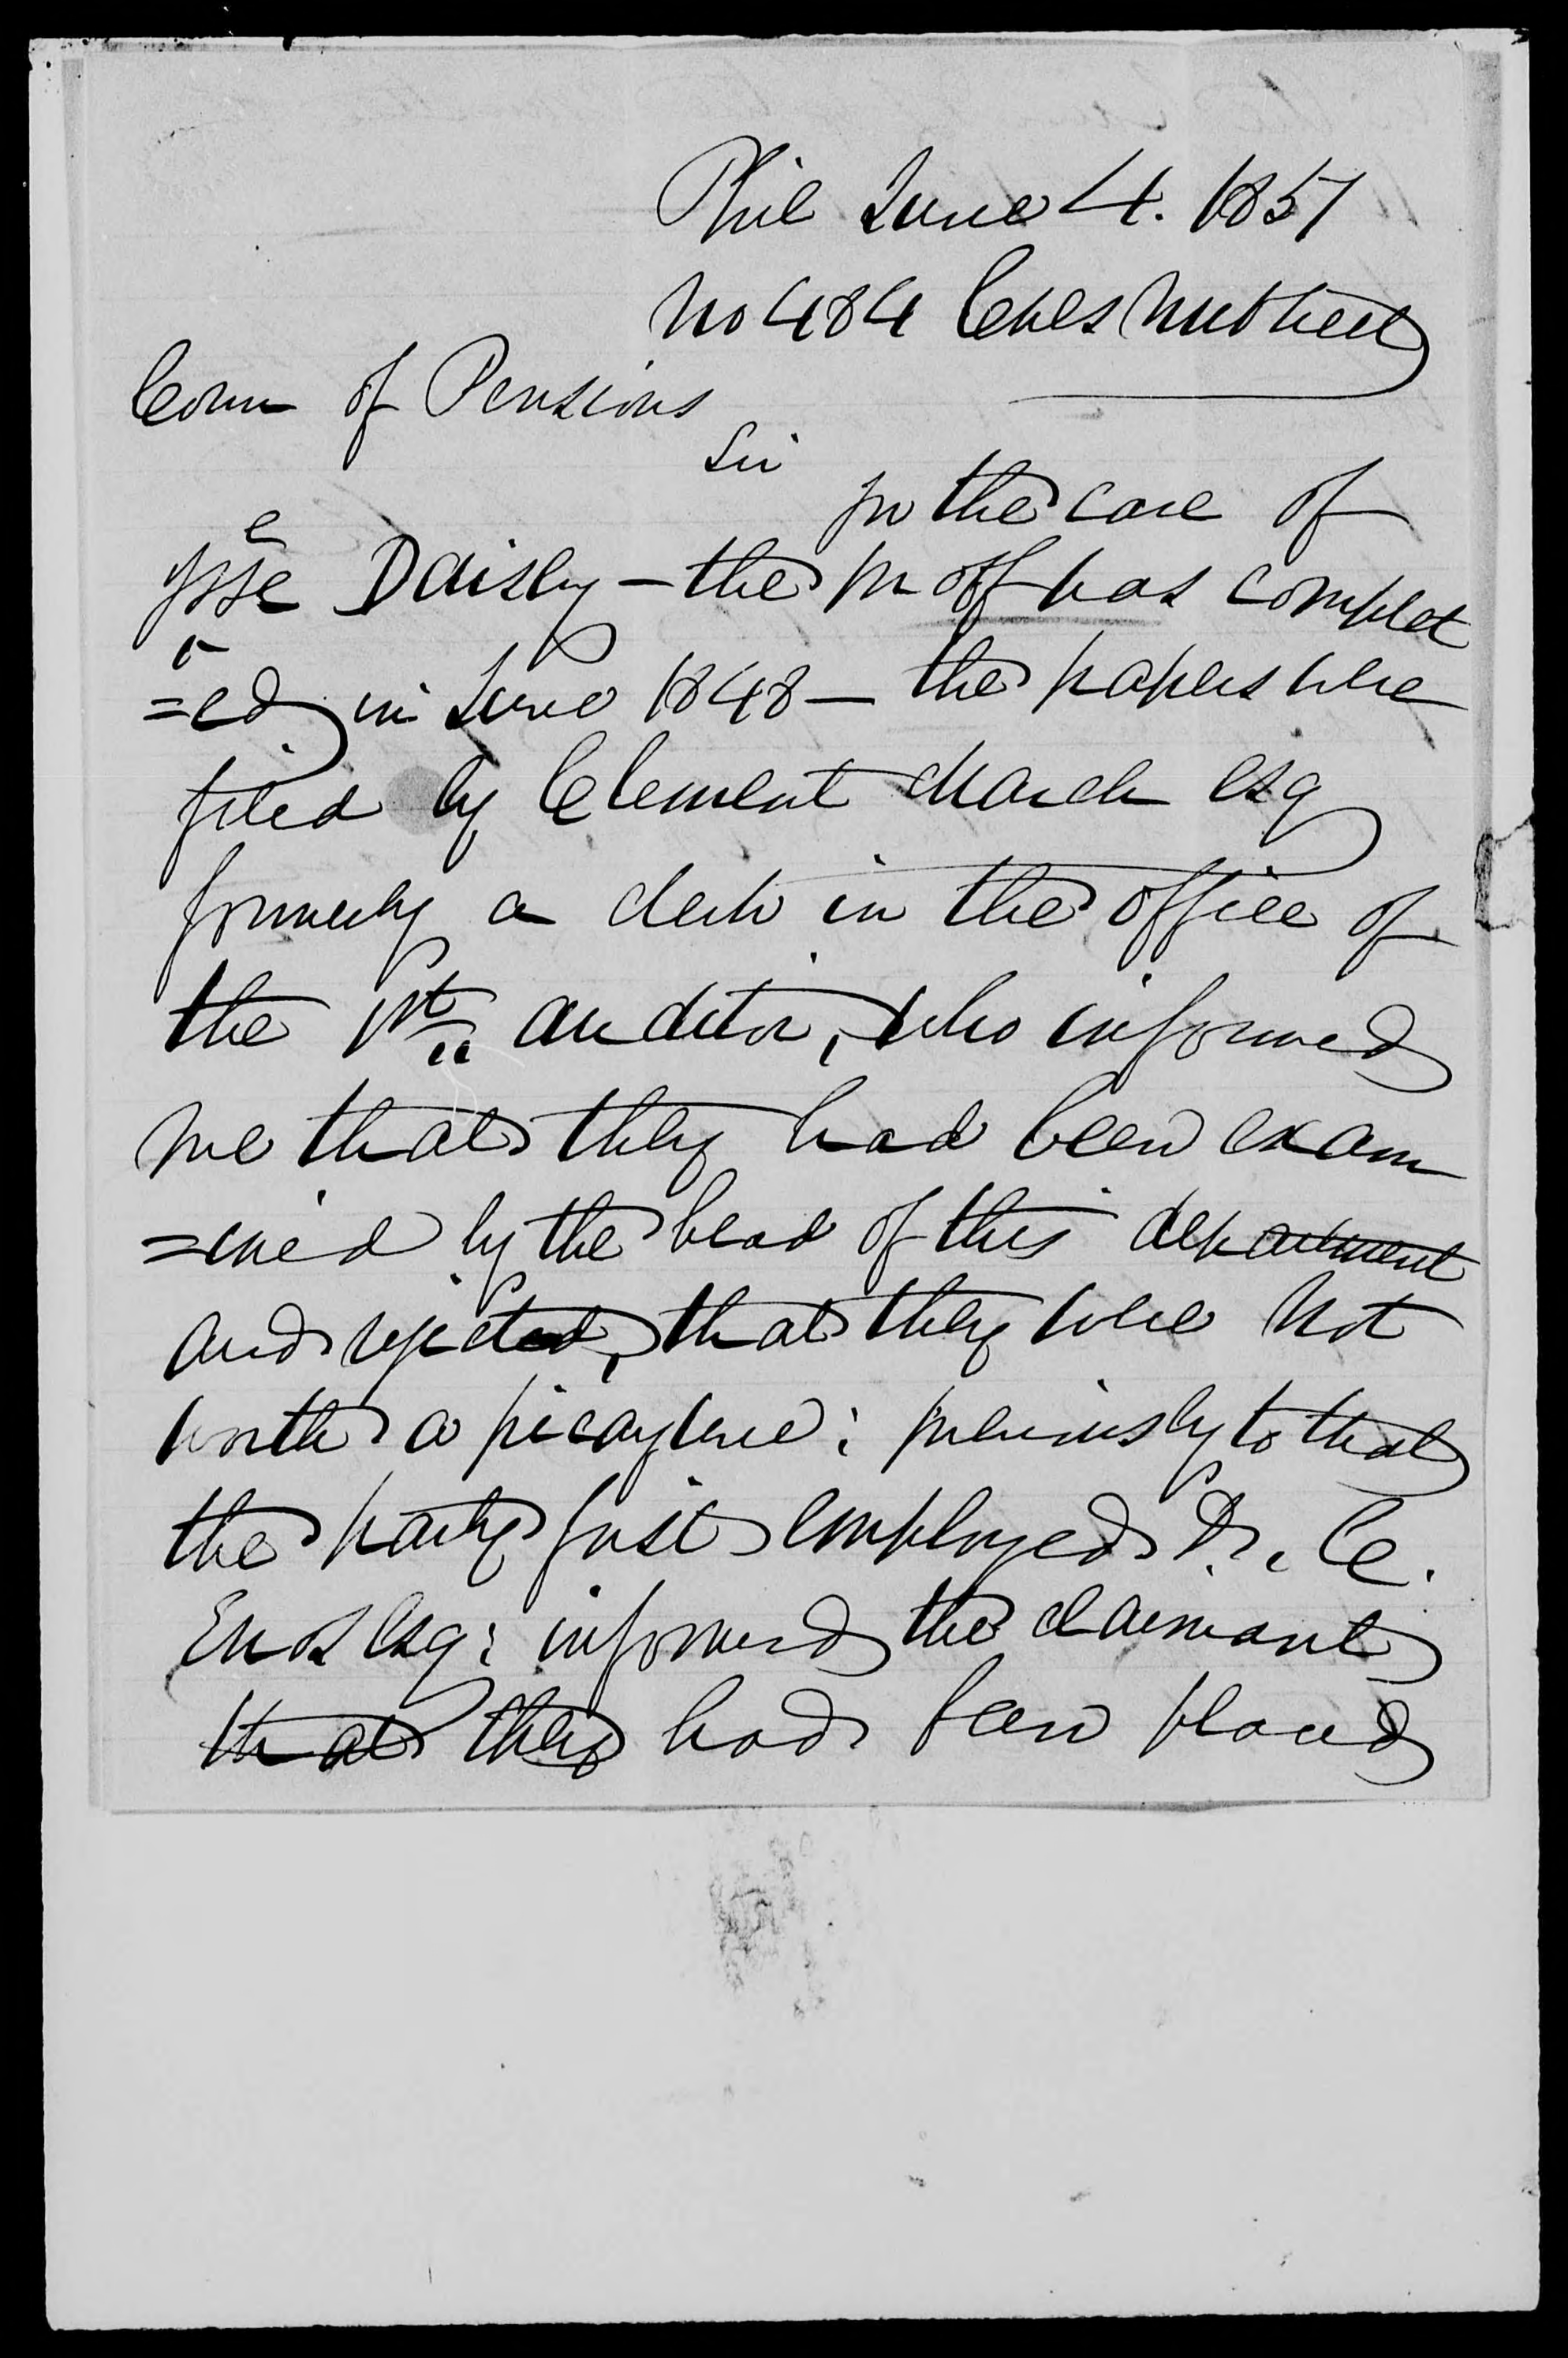[illegible] June 4. 1857
no 484 [illegible]
Com of Pensions
Sir
In the case of [illegible] Dairly - the M off has completed in June 1848 - the [illegible] were filed by Clement [illegible] esq formerly a clerk in the office of the 1st auditor,  who informed me that they had been exam=ined by the head of this department and rejected that they were not worth a [illegible]; previously to that the [illegible][illegible]employed [illegible][illegible]Esq: informed that claimant that they had [illegible][illegible]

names: Jesse Daisey, Enos, Clement March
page: 21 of 32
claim: rejected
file: R. 2795, Jesse Dazey, Del.